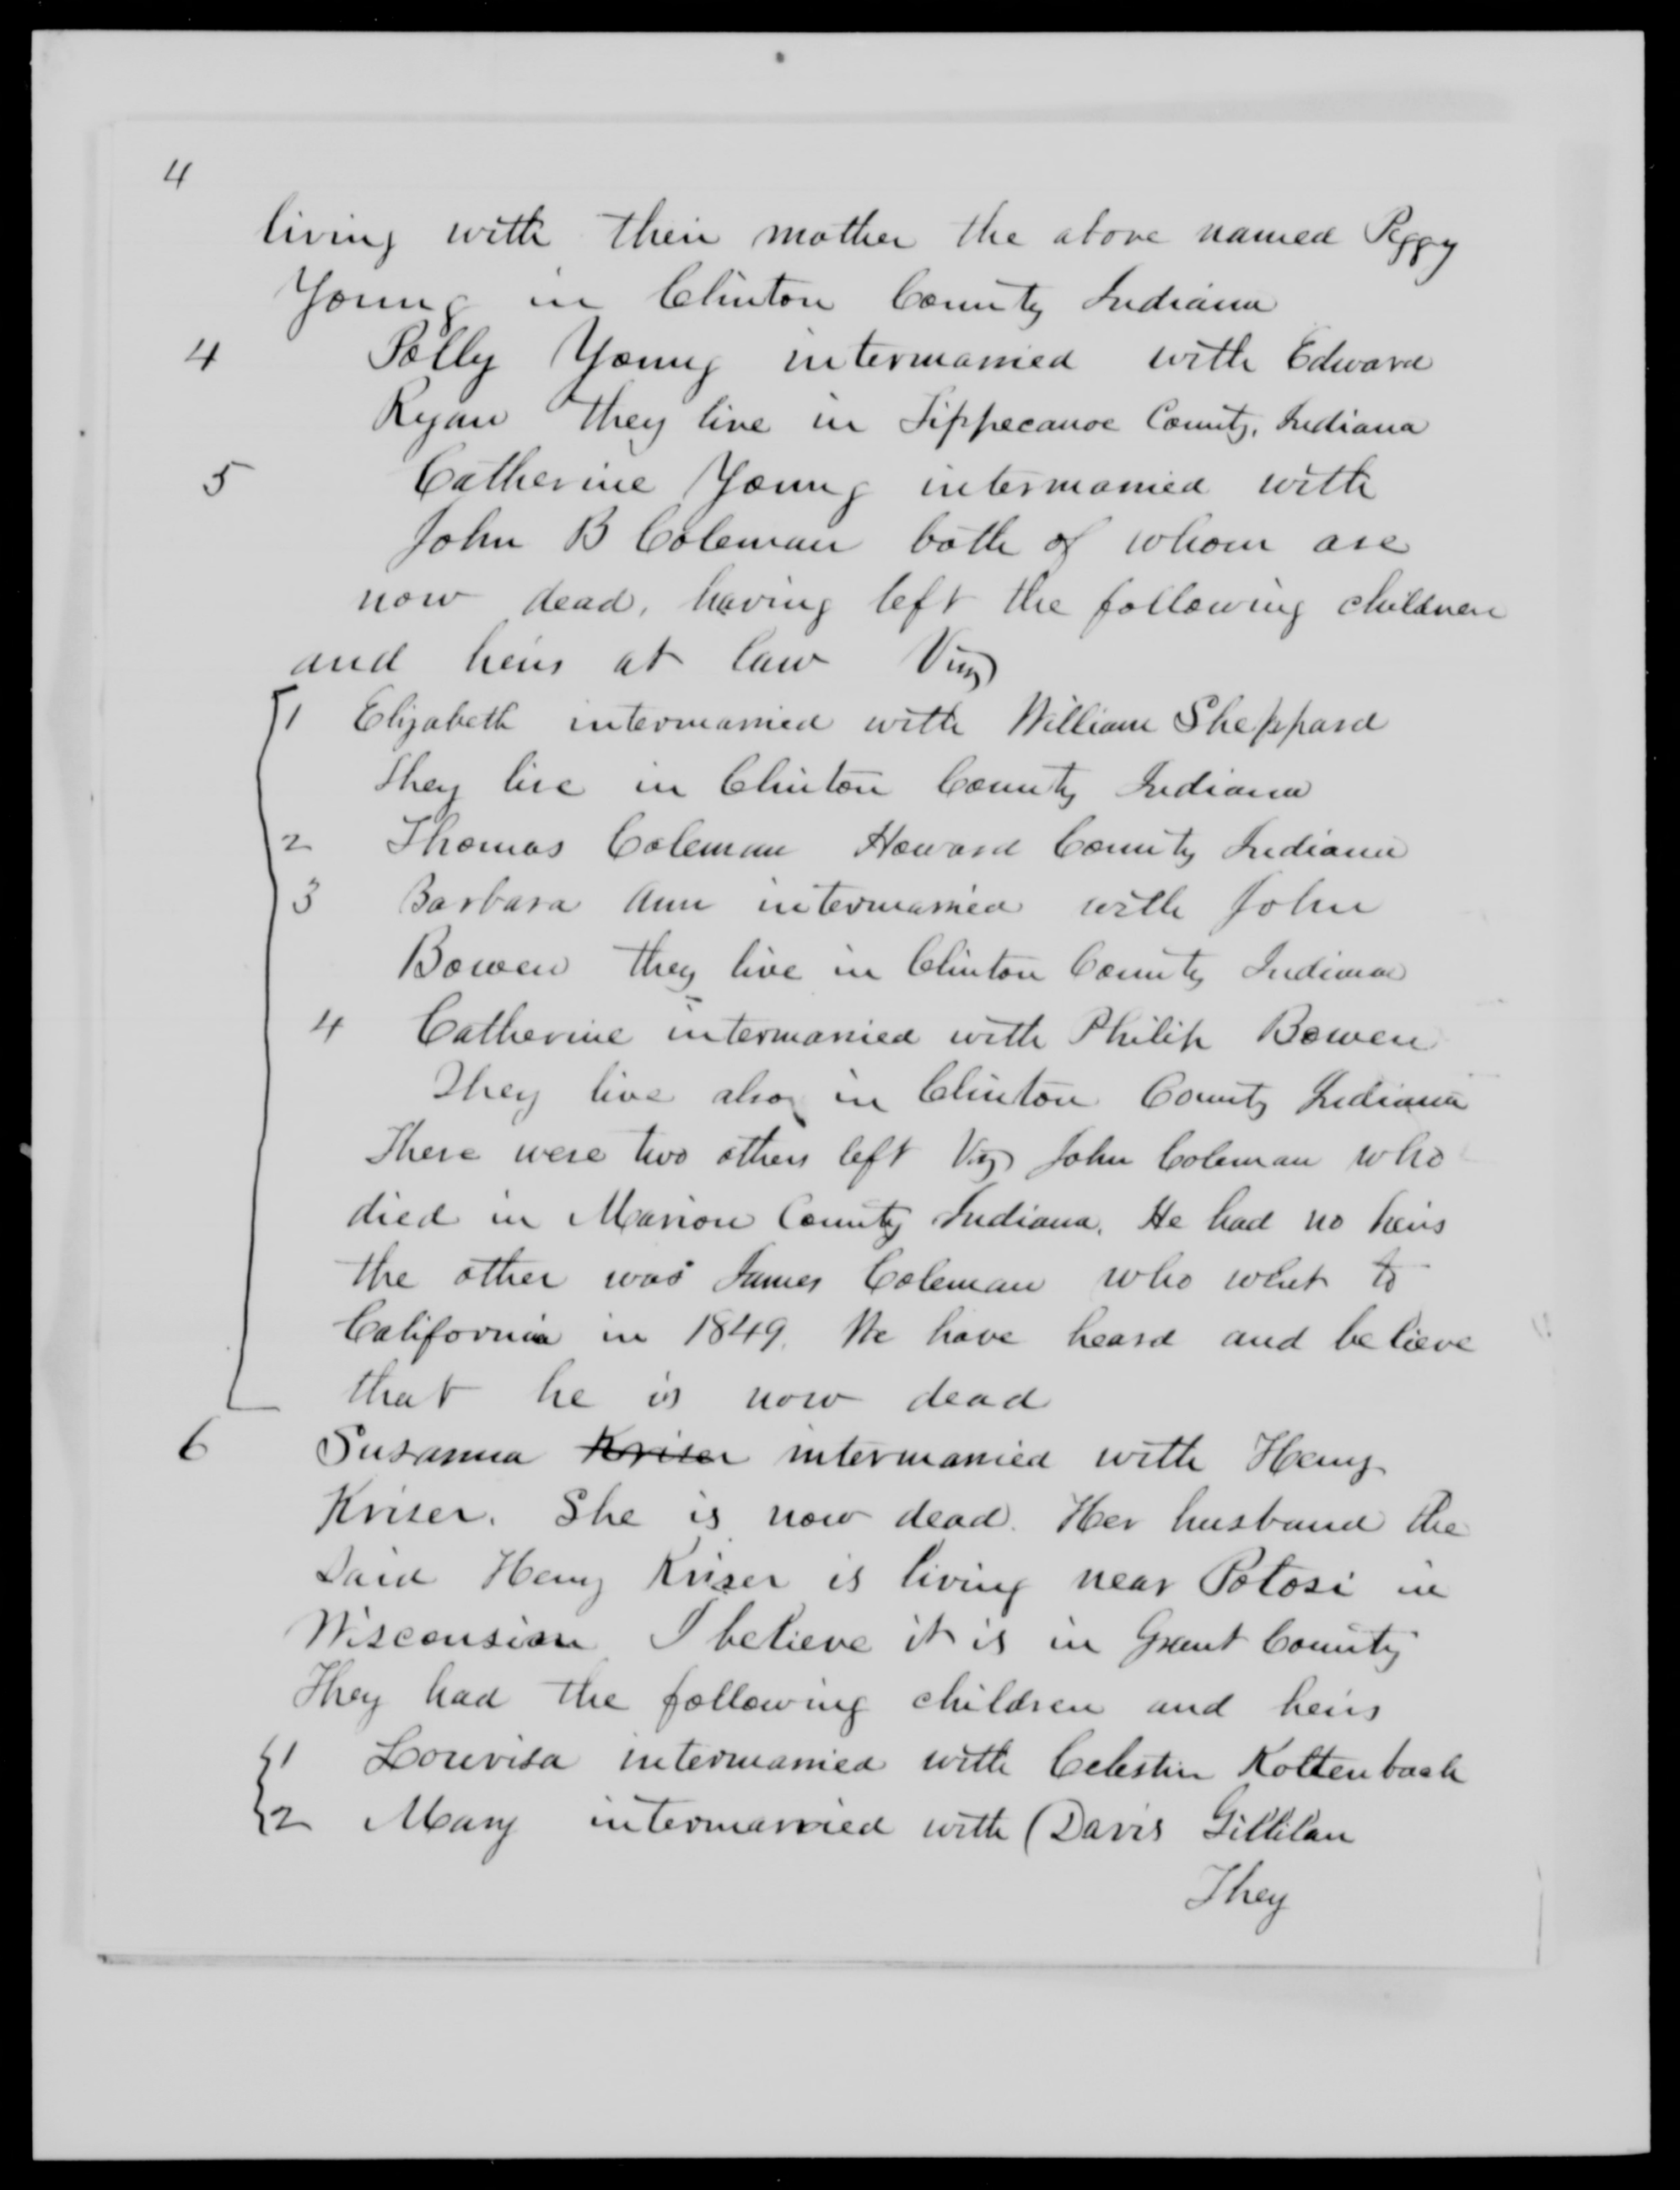4
living with their mother the above named Peggy
Young in Clinton County Indiana

4 Polly Young intermarried with Edward
Ryan they live in Tippecanoe County, Indiana

5 Catherine Young intermarried with
John B Coleman both of whom are
now dead, having left the following children
and heirs at law Viz

1 Elizabeth intermarried with William Sheppard
they live in Clinton County Indiana
2 Thomas Coleman Howard County Indiana
3 Barbara Ann intermarried with John
Bowen they live in Clinton County Indiana
4 Catherine intermarried with Philip Bowen
They live also in Clinton County Indiana

There were two others left (viz) John Coleman who
died in Marion County Indiana. He had no heirs.
The other was James Coleman who went to
California in 1849. We have heard and believe
that he is now dead.
6 Susanna intermarried with Henry
Kriser. She is now dead. Her husband the
said Henry Kriser is living near Potosi in
Wisconsin. I believe it is in Grant County.
They had the following children and heirs
1 Lovisa intermarried with Celestin Kottenbach
2 Mary intermarried with Davis Gillilan
They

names: Barbara Ann, Catherine Young, Louvisa, John Coleman, Peggy Young, Thomas Coleman, Davis Gillilan, Philip Bowen, Mary, Edward Ryan, Susanna, Henry Kriser, John B Coleman, William Sheppard, John Bowen, Elizabeth, James Coleman, Clestin Koltenbach, Polly Young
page: 23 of 123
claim: rejected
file: R. 11,949, Matthias Young, Md.